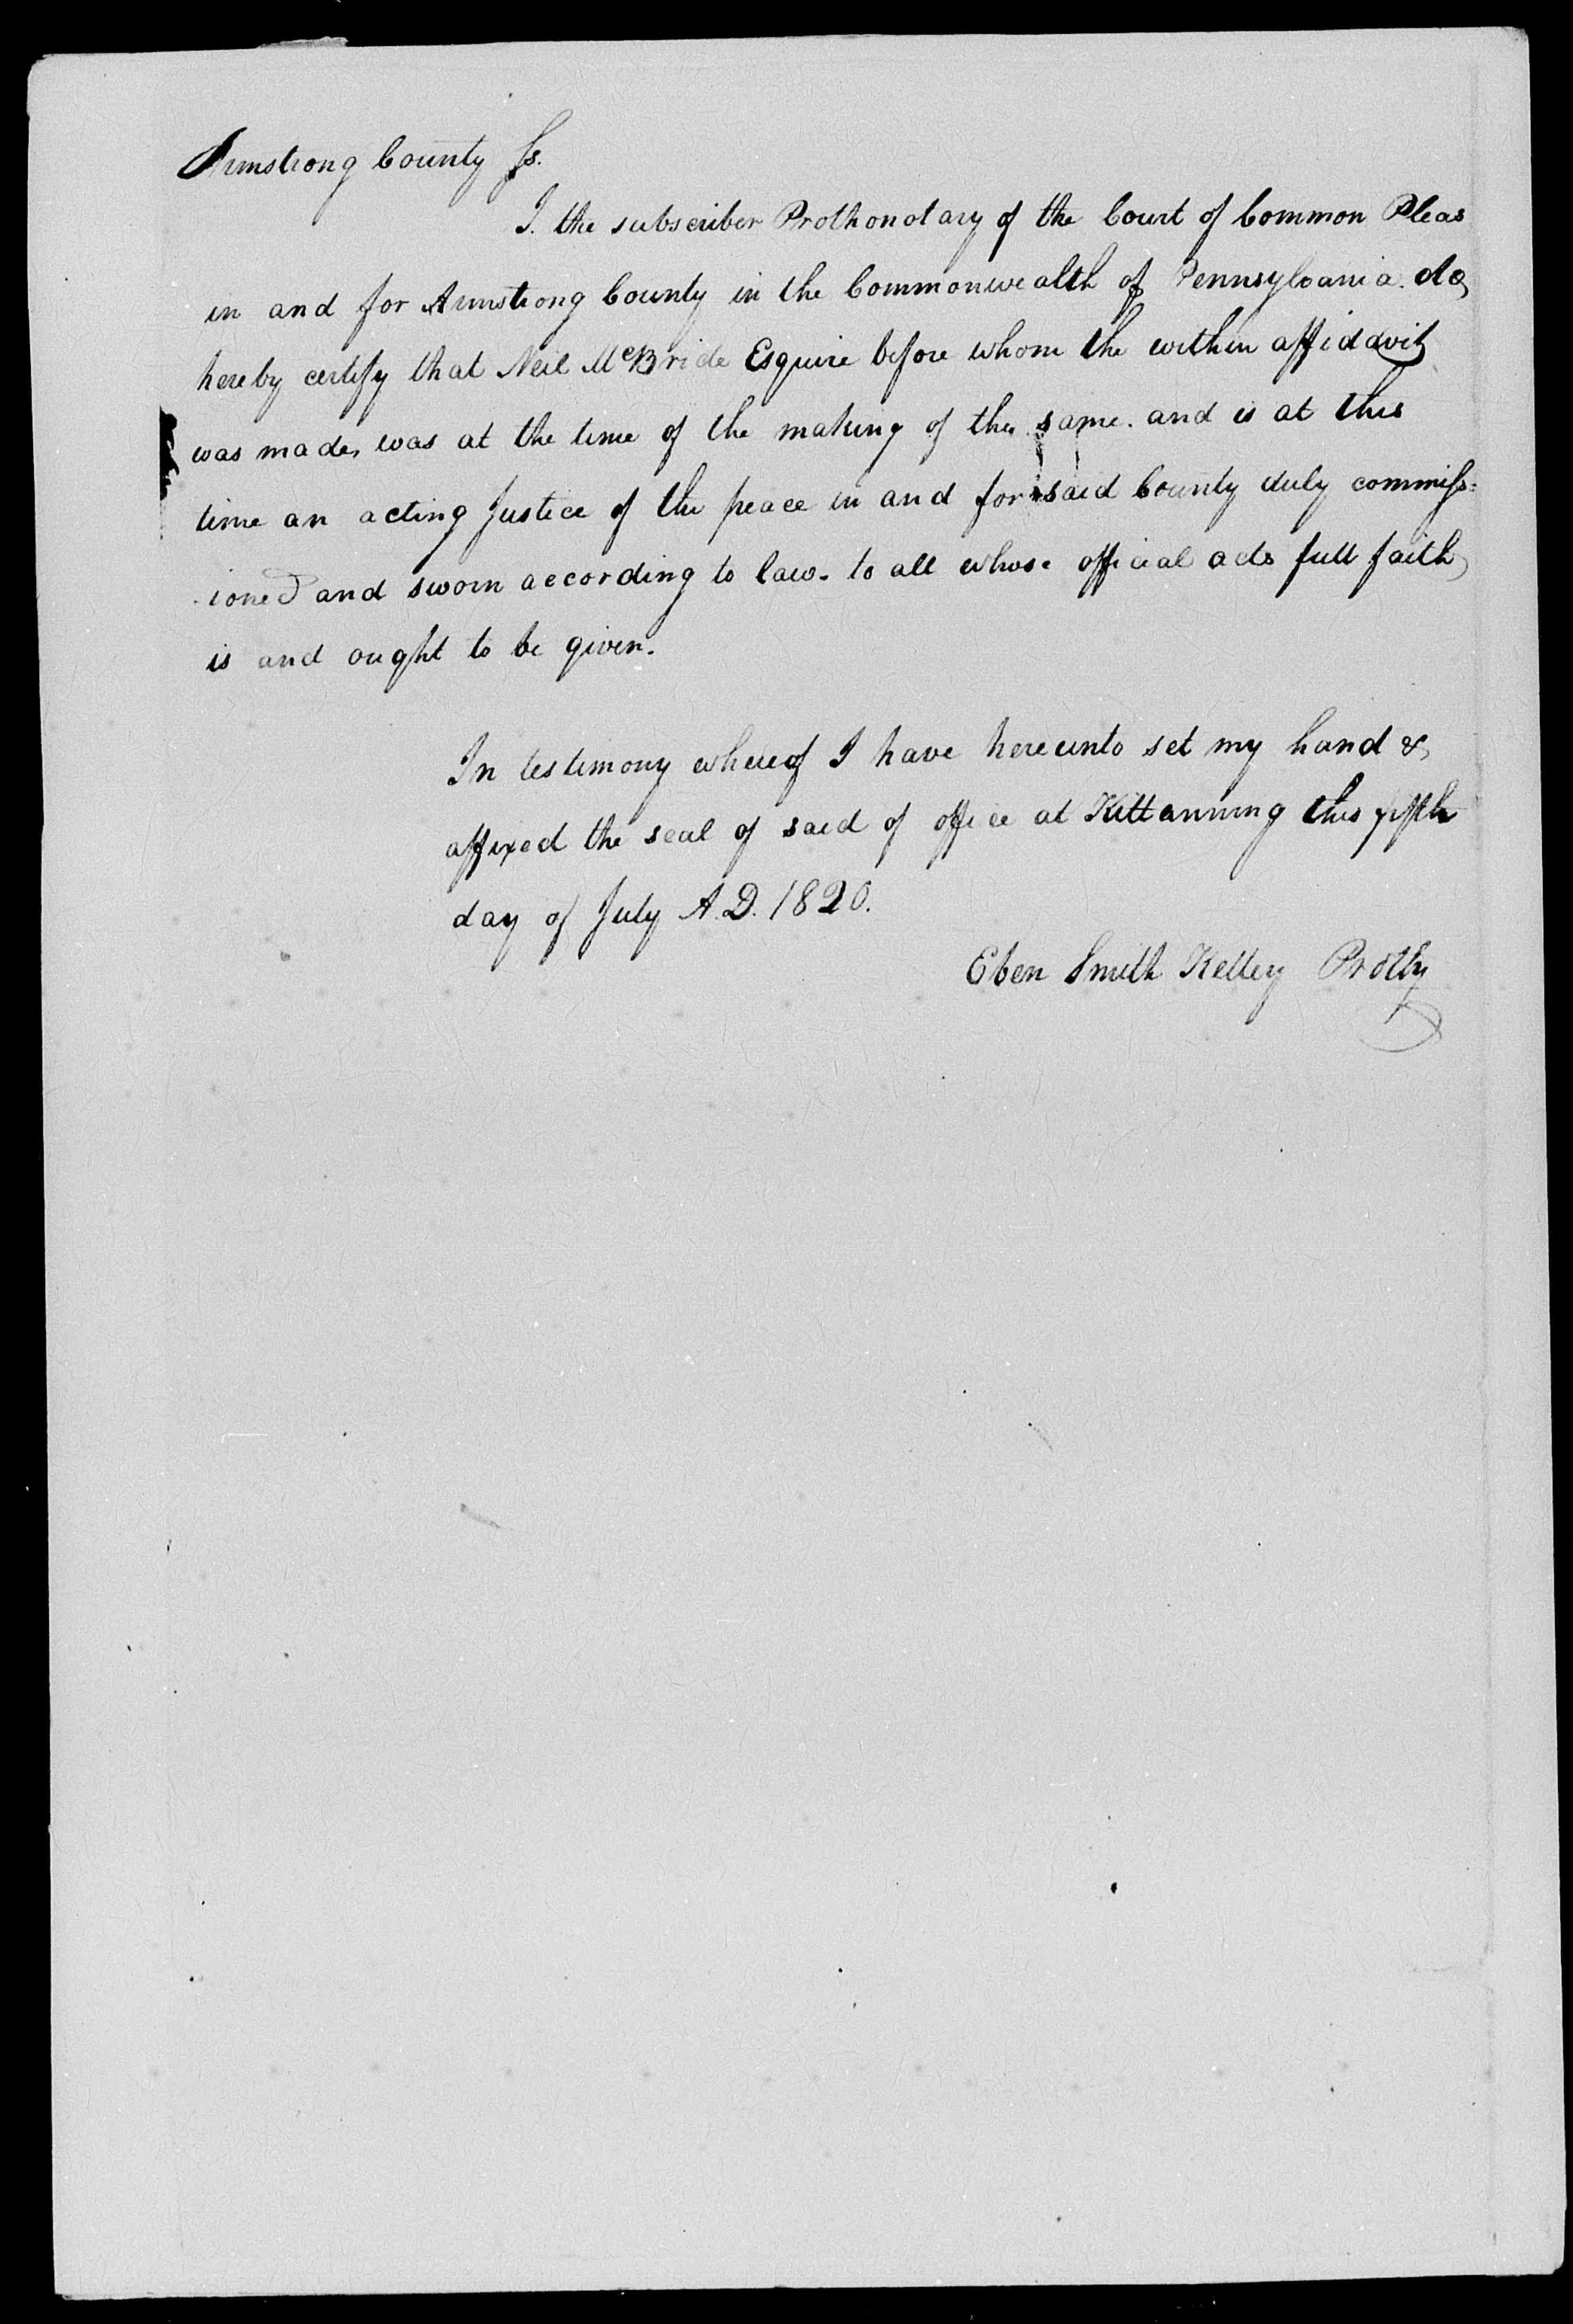Armstrong County [ss]

   I the subscriber Prothonotary of the Court of Common Pleas in and for Armstrong County in the Commonwealth of Pennsylvania do, hereby certify that Neil McBride Esquire before whom the within affidavit was made was at the time of the making of the same and is at this time an acting Justice of the Peace in and for said county duly commissioned and sworn according to law, to all whose official acts full faith, is and ought to be given.

   In testimony whereof I have hereunto set my hand & affixed the seal of said of office at Kittanning this fifth day of July A.D. 1820.

                                     Eben Smith Kelly Prothy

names: Neil Mc Bride; Eben Smith Kelley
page: 4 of 14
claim: survivor's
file: S. 9749, for Timothy Lennonton, Pennsylvania